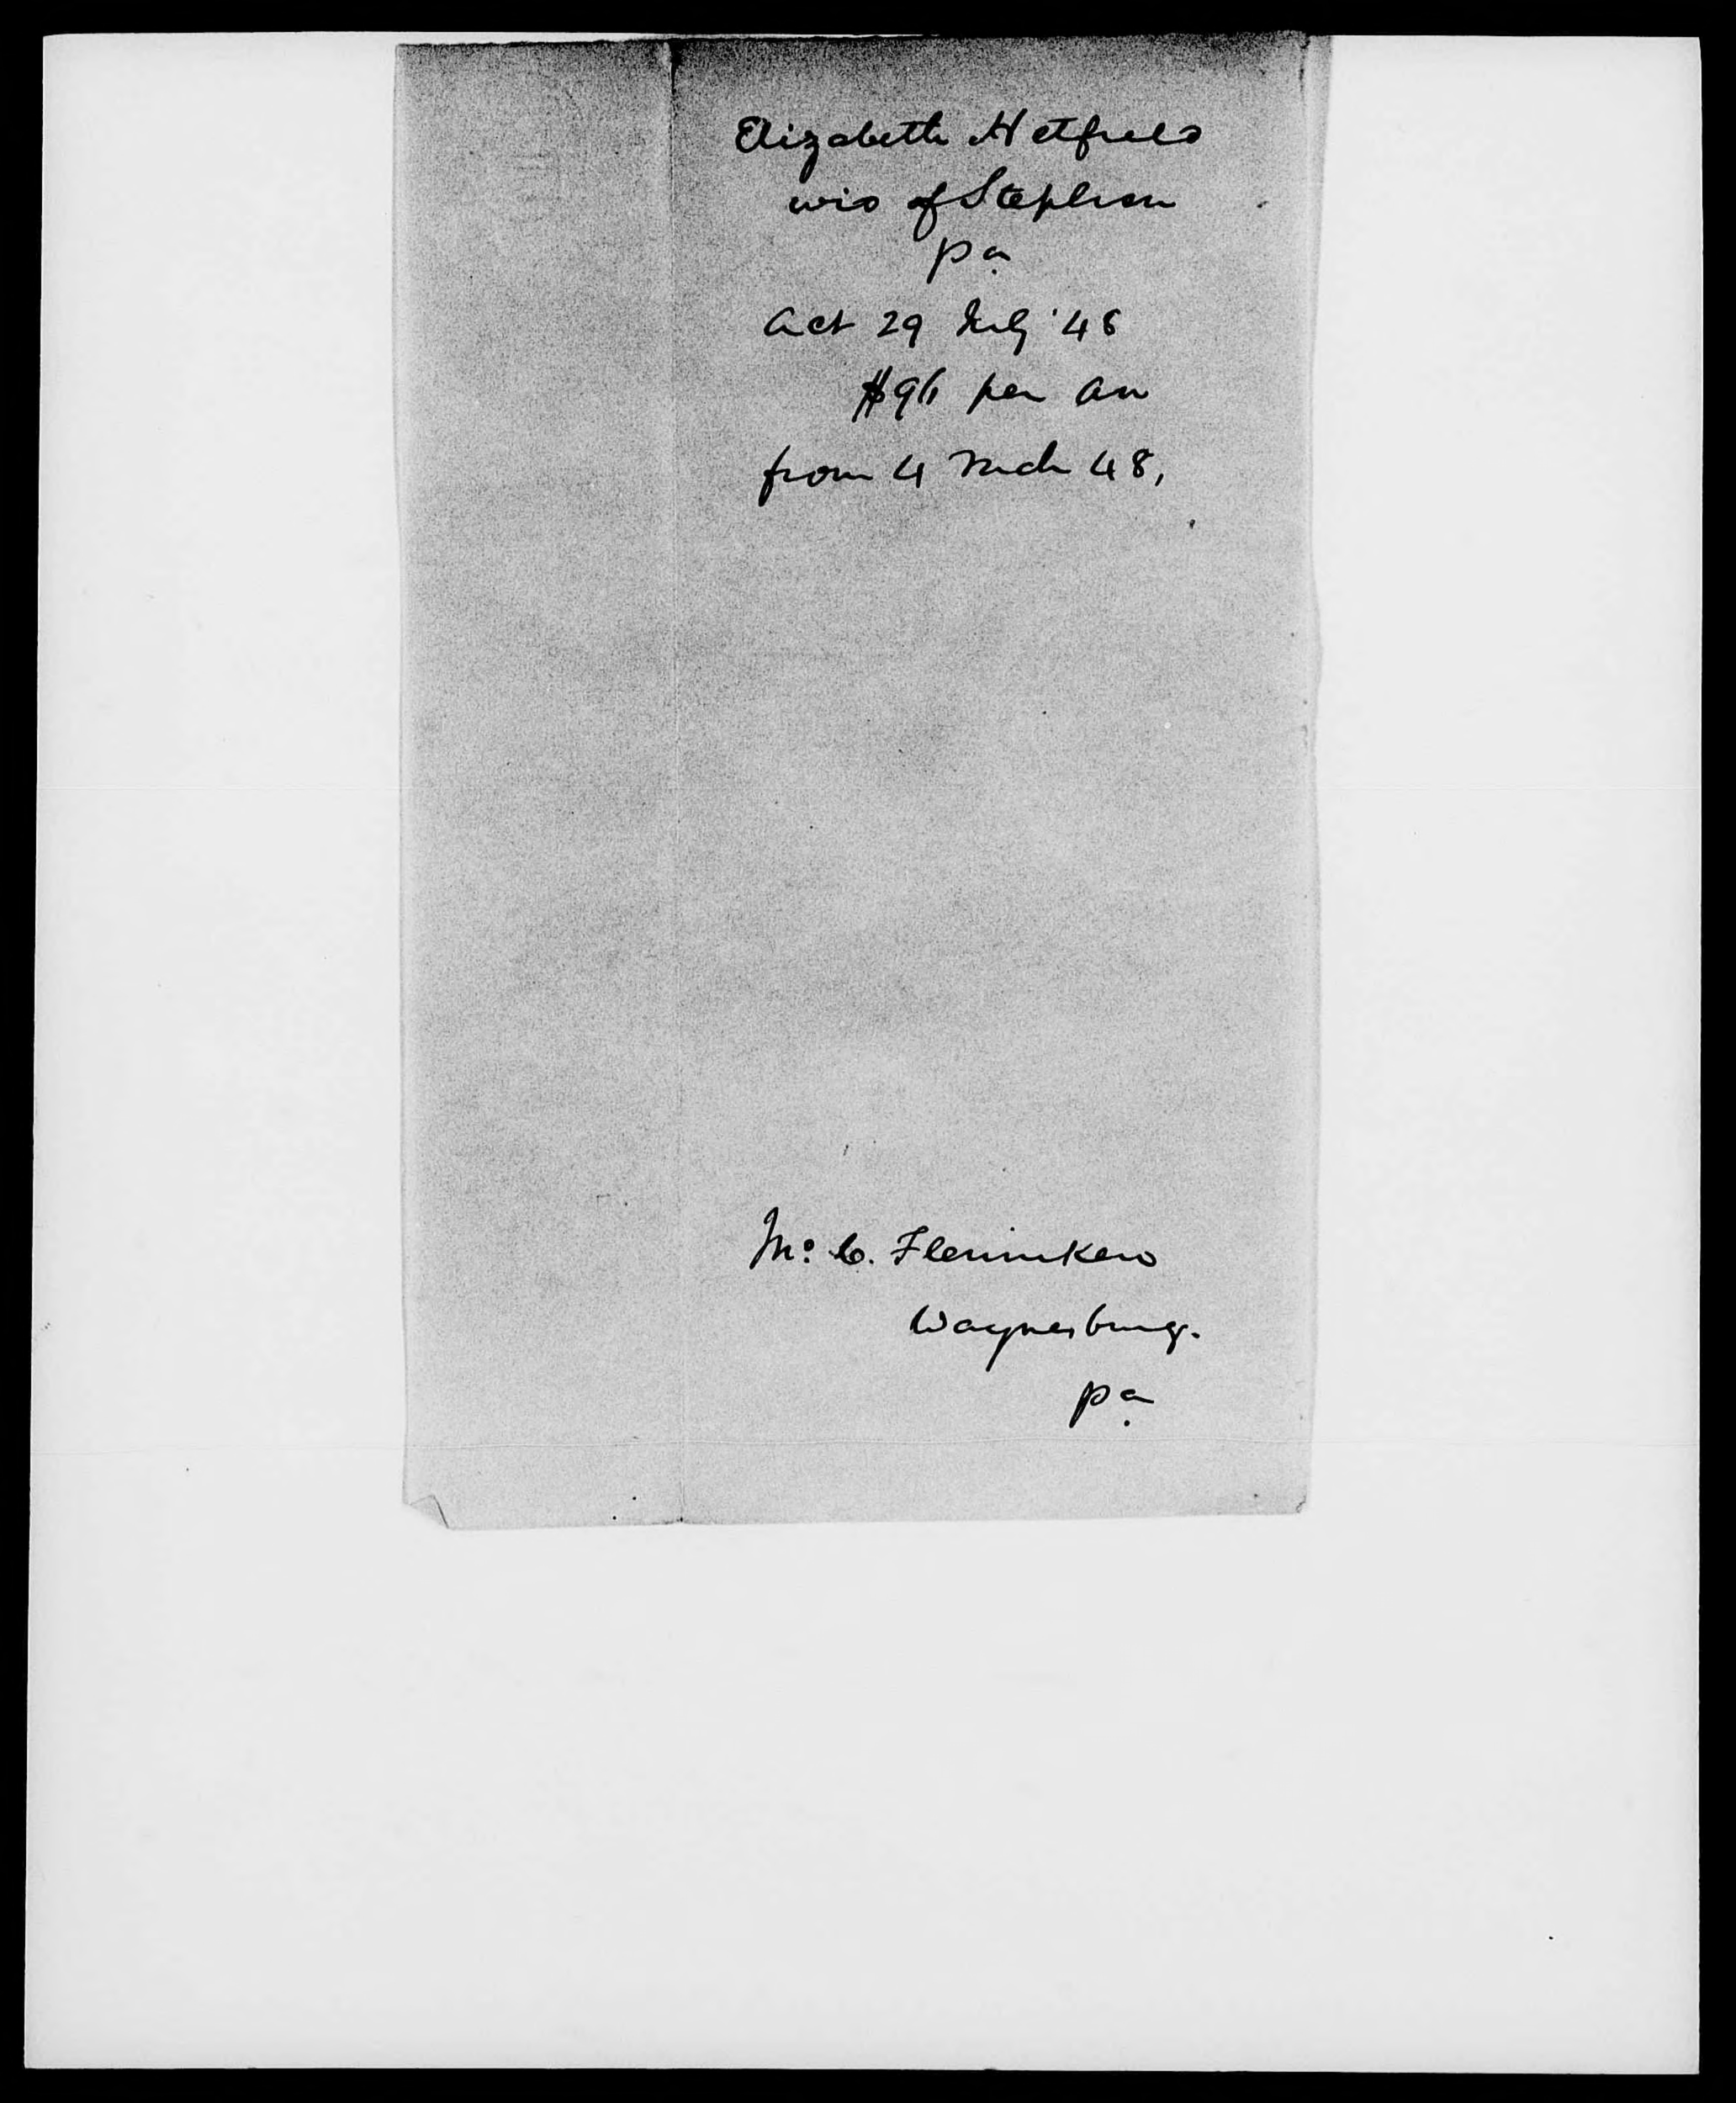Elizabeth Hetfield
wid of Stephen
Pa

Act 29 July '48
$96 per an
from 4 Mch 48,

Jno. C. Flenniken
Waynesburg
Pa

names: Stephen Hetfield, Jno C Flenniken, Elizabeth Hetfield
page: 26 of 45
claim: widow's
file: W. 2734, Stephen Hetfield, New Jersey